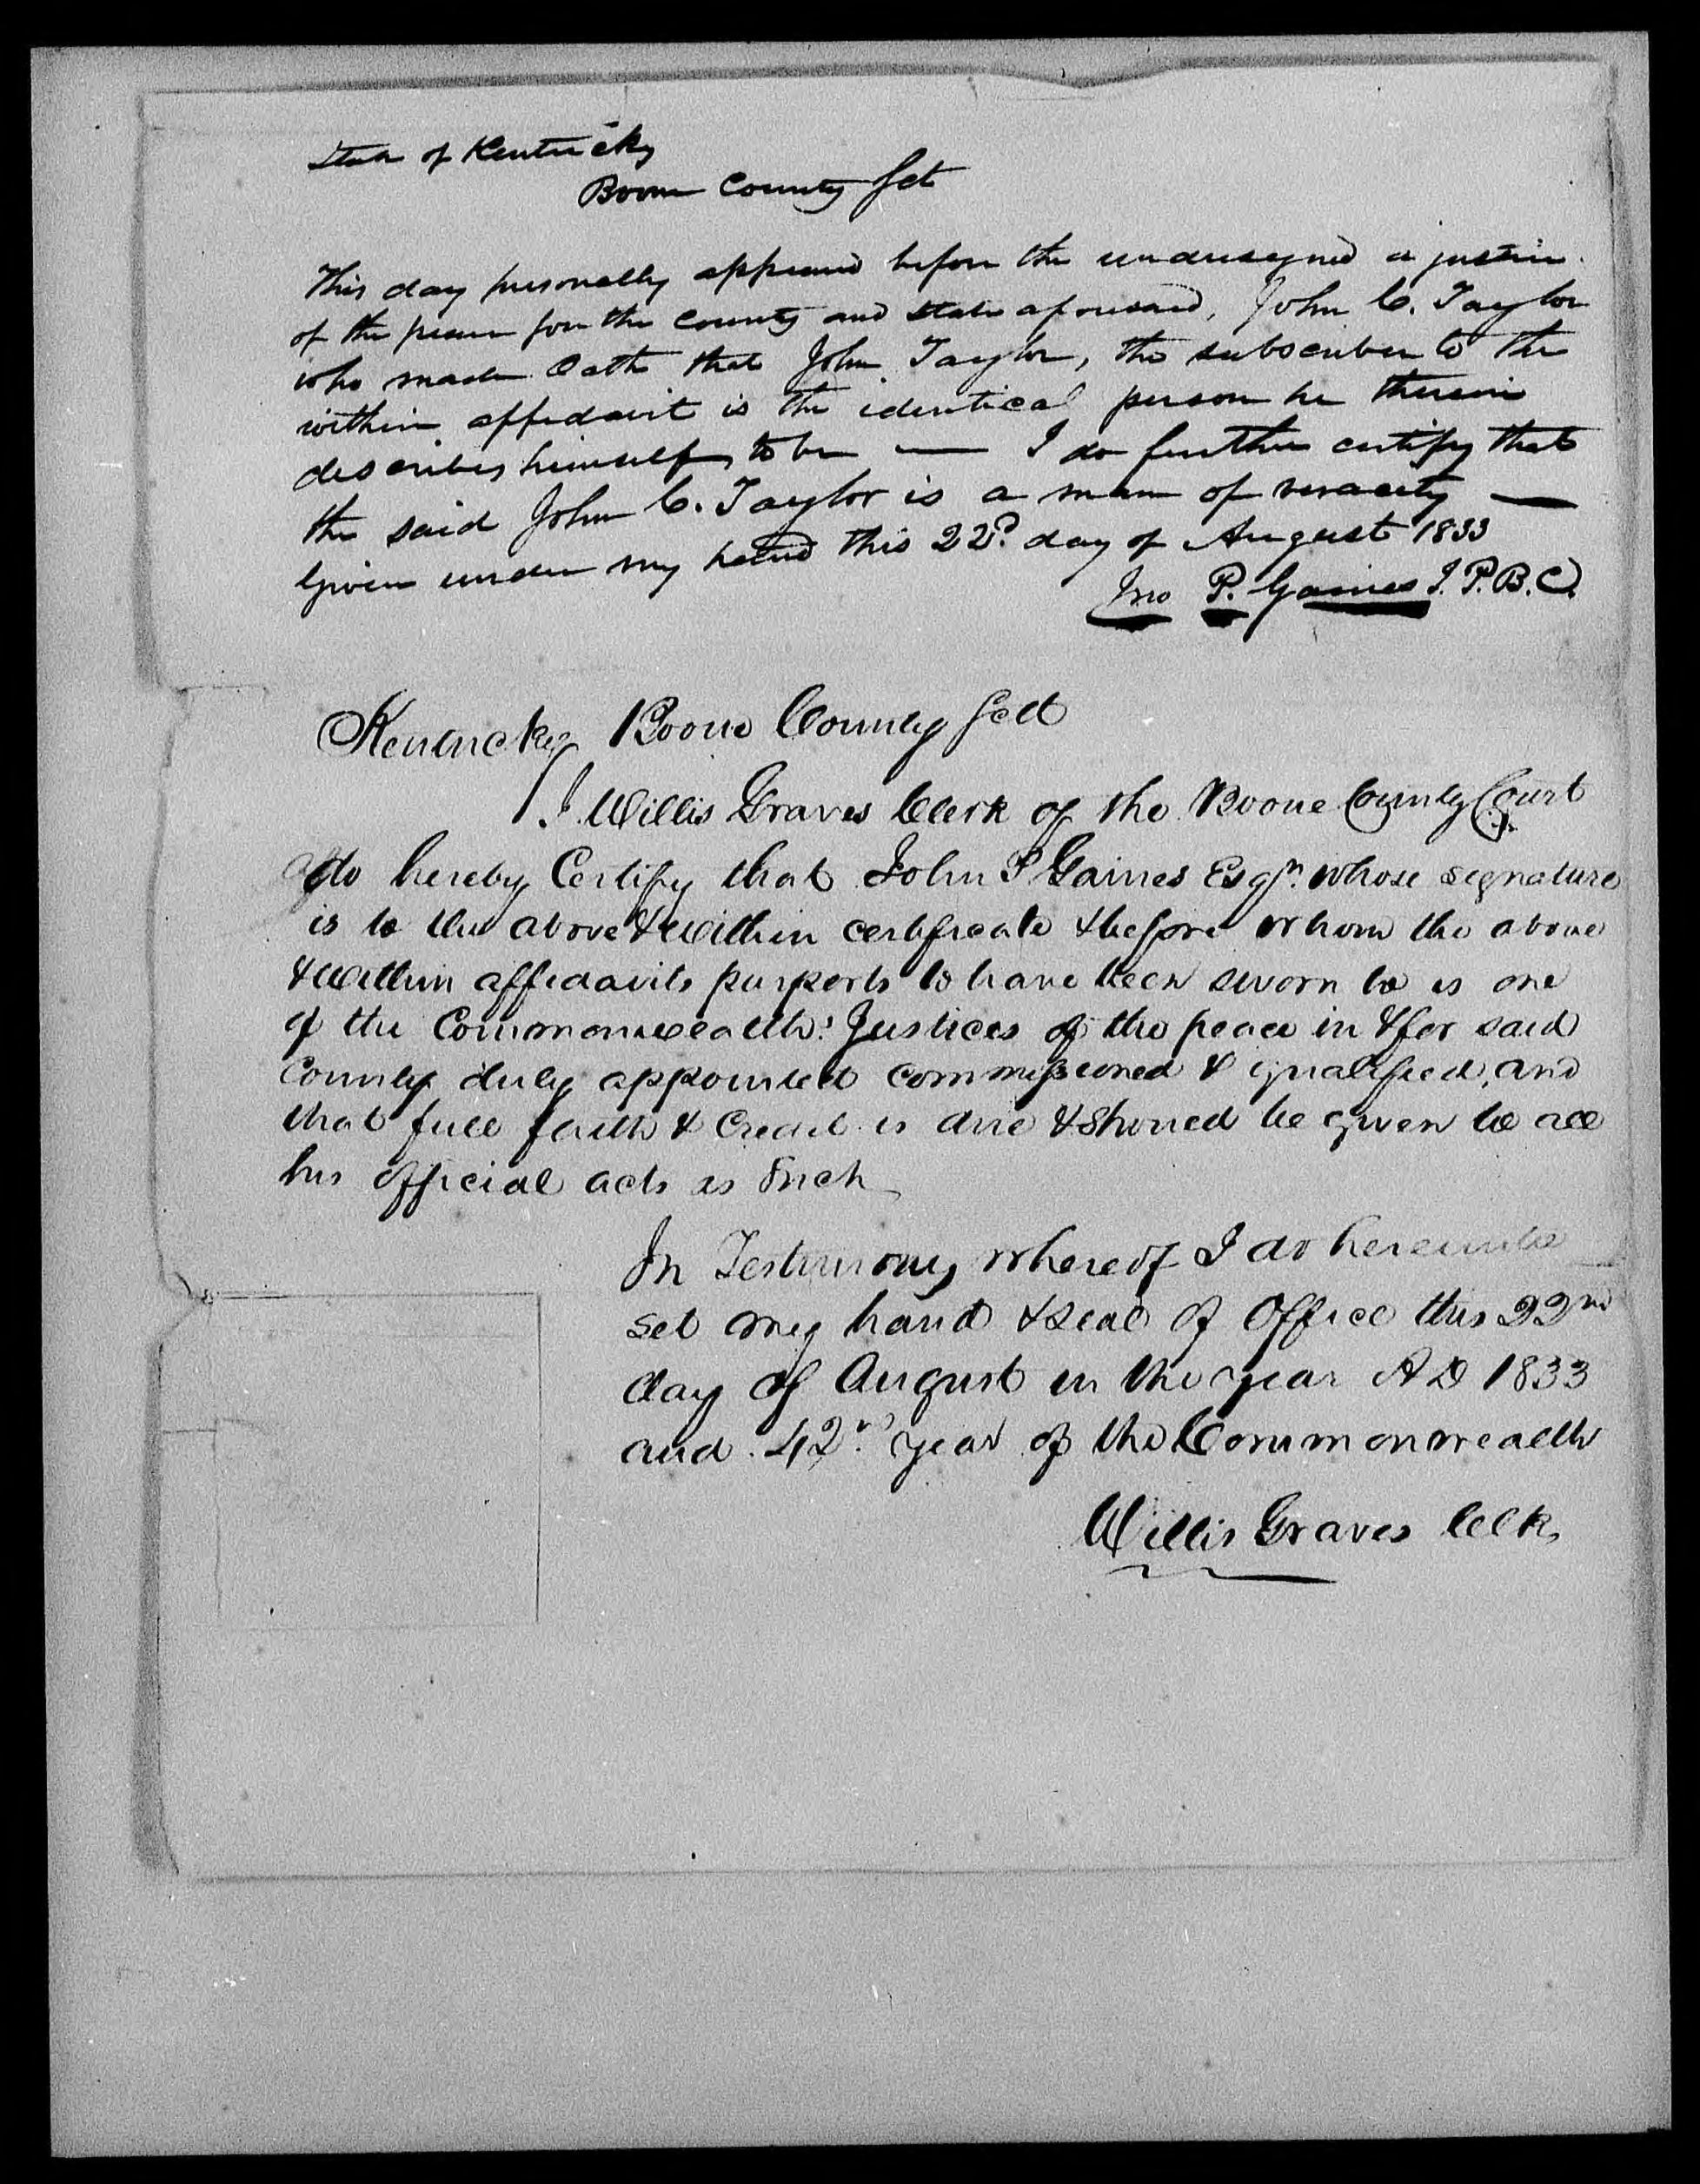State of Kentucky 
Boone County Sct

This day personally appeared before the undersigned a justice 
of the peace for the County and State aforesaid, John C. Taylor 
who made oath that John Taylor, the subscriber to the 
within affidavit is the identical person he therein 
describes himself to be--I do further certify that 
the said John C. Taylor is a man of veracity-
Given under my hand this 22d. day of August 1833
Jno P. Ganes J.P.B.C.

Kentucky Boone County Sct

I Willis Graves Clerk of the Boone County Court 
do hereby certify that John P. Gaines Esqr. whose signature 
is to the above & within certificate & before whom the above
& within affidavit purports to have been sworn to is one 
of the Commonwealth's Justices of the peace in & for said 
County duly appointed commissioned & qualified, and 
that full faith & credit is and & should be given to all 
his official acts as such.
In Testimony whereof I do hereunto
[Blurred seal of office] set my hand & seal of office this 22nd
day of August in the year AD 1833 
and 42nd. year of the Commonwealth
Willis Graves Clk.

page: 13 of 18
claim: survivor's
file: S. 37,483, for John Taylor, Maryland